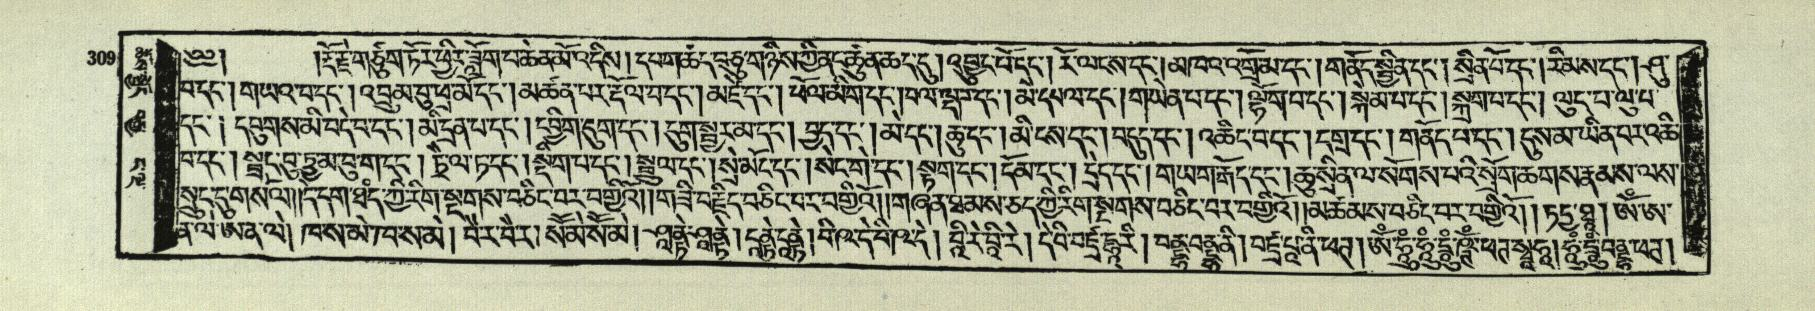༄༅། །རྡོ་རྗེ་གཙུག་ཏོར་ཕྱིར་ཟློག་པ་ཆེན་མོ་འདིས་།དཔག་ཚད་བཅུ་གཉིས་ཀྱི་ནང་ཚུན་ཆད་དུ་།འབྱུང་པོ་དང་།རོ་ལྔས་དང་།མཁའ་འགྲོ་མ་དང་།གནོད་སྦྱིན་དང་།སྲིན་པོ་དང་།རིམས་དང་།ཤུ་
བ་དང་།གཡའ་བ་དང་།འབྲུམ་བུ་ཕྲ་མོ་དང་།མཚན་པར་རྡོལ་བ་དང་།མཛེ་དང་།ཕོལ་མིག་དང་།བལ་ལྡཌ་དང་།མེ་དཔལ་དང་།གཡེན་པ་དང་།ལྷོག་པ་དང་།སྐེ་མ་པ་དང་།སྐྲག་པ་དང་།ལུང་པ་ལུ་པ་
དང་༑དབུགས་མི་བདེ་བ་དང་།མི་དྲན་པ་དང་།དབྱིག་དུག་དང་། དུག་སྦྱར་མ་དང་།བྱད་དང་།མེ་དང་།ཆུ་དང་།མི་ངས་དང་། བདུད་དང་།འཆིང་བ་དང་།དགྲ་དང་།གནོད་པ་དང་།དུས་མ་ཡིན་པར་འཆི་
བ་དང་།སྦྲང་བུ་ཏྲྱ་མ་བུ་ག་དང་།ཏྲཻ་ལ་ཏ་དང་།སྡིག་པ་དང་།སྦྲུལ་པ་དང་།སྲེ་མོང་དང་།སེང་གེ་དང་།སྟག་དང་། དོམ་དང་།དྲེད་དང་།གཡག་རྒོད་དང་།ཆུ་སྲིན་ལ་སོགས་པའི་སྲོག་ཆགས་རྣམས་ལས་
སྲུང་དུ་གསོལ། །དེ་དག་ཐཾད་ཀྱི་རིག་སྔགས་བཅིང་བར་བགྱིའོ། །གཟི་བརྗིད་བཅིང་བར་བགྱིའོ། །གཞན་ཐམས་ཅད་ཀྱི་རིག་སྔགས་བཅིང་བར་བགྱིའོ། །མཚམས་བཅིང་བར་བགྱིའོ། །ཏདྱ་ཐཱ། ཨོཾ་ཨ་
ན་ལེ་ཨ་ན་ལེ། ཁ་ས་མེ་ཁ་ས་མེ་།བཻ་ར་བཻ་ར། སཽ་མེ་སཽ་མེ་།ཤཱནྟེ་ཤཱནྟེ་།དཱནྟེ་དཱནྟེ་།བི་ཥ་དེ་བི་ཥ་དེ། བཱི་རེ་བཱི་རེ་།དེ་བི་བྫྲ་དྷཱ་རི་།བནྡྷ་བནྡྷ་ནི་།བྫྲ་པཱ་ནི་ཕཊ་།ཨོཾ་ཧཱུཾ་ཧཱུཾ་དྲཱུཾ་ཥྚོཾ་ཕཊ་སྭཱཧཱ་།ཧཱུཾ་དྲཱུཾ་བནྡྷ་ཕཊ།